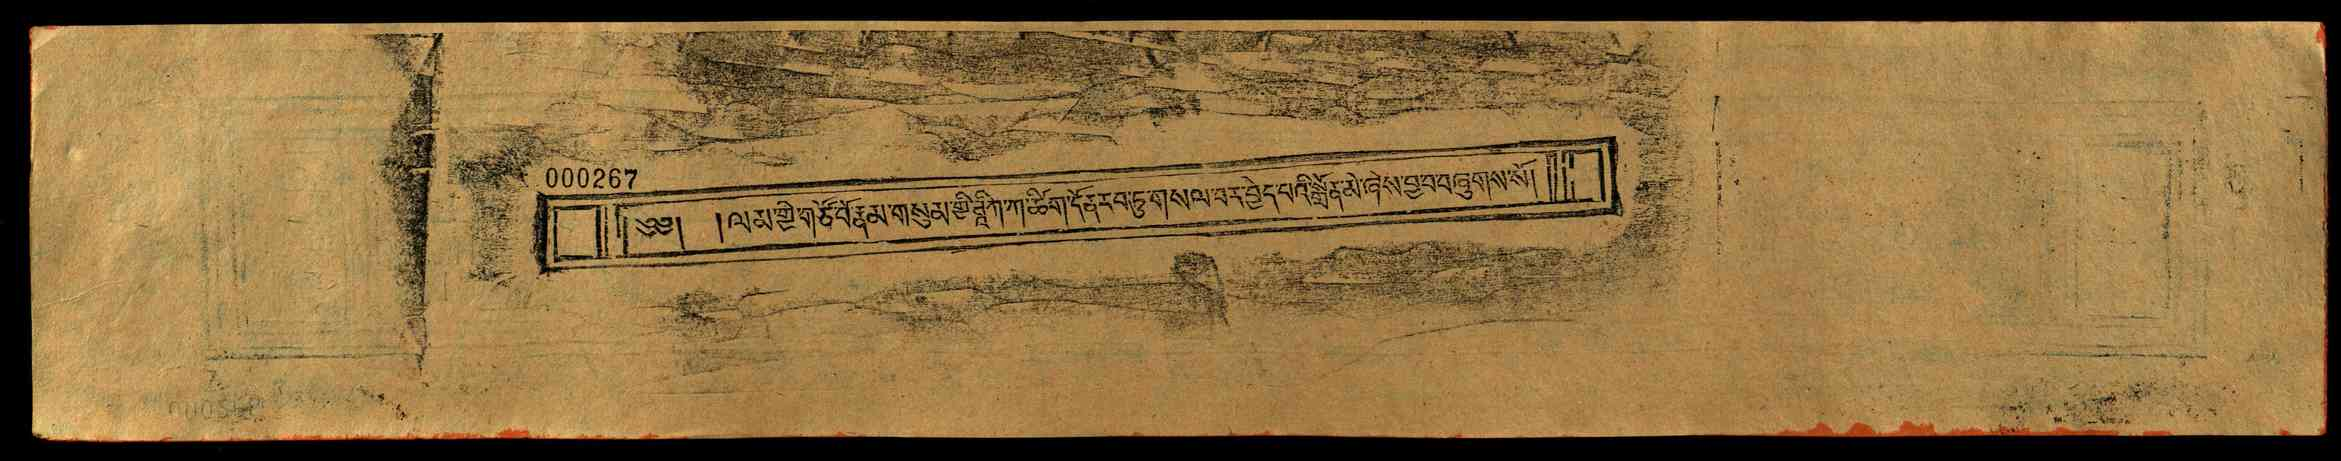༄༅། །ལམ་གྱི་གཙོ་བོ་རྣམ་གསུམ་གྱི་ཌཱིཀ་ཀ་ཚིག་དོན་རབ་ཏུ་གསལ་བར་བྱེད་པའི་སྒྲོན་མེ་ཞེས་བྱ་བ་བཞུགས་སོ།།